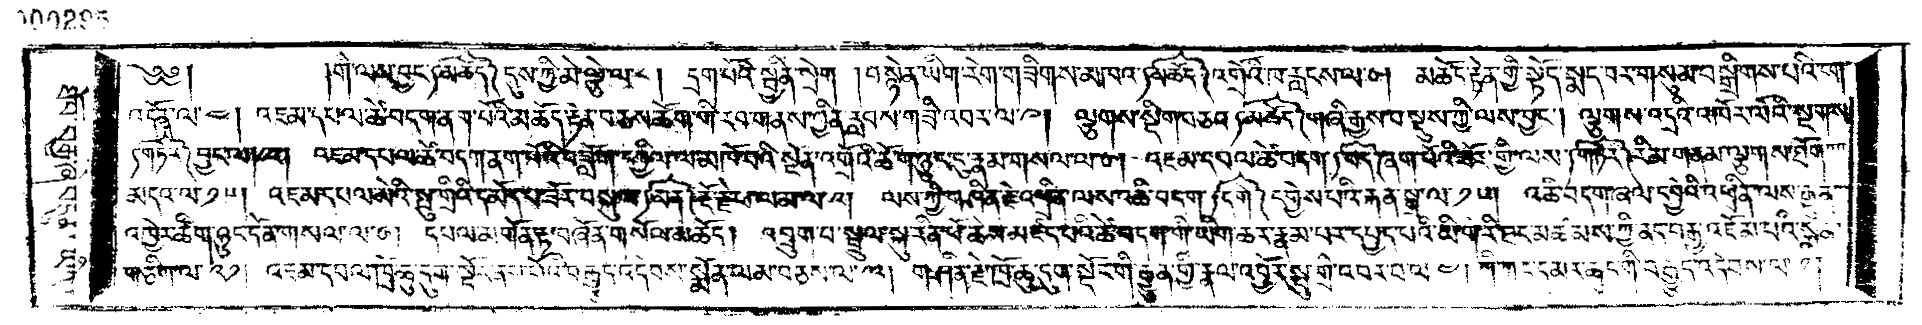༄༅། །གི་ལས་བྱང ༼མཆོད༽ དུས་ཀྱི་མེ་ལྕེ་ལ ༨། དྲག་པོའི་སྦྱིན་སྲེག །བསྙེན་ཡིག་རེག་གཟིགས་མཁའ ༼མཆོད༽ འགྲོའི་ཁ་རླངས་ལ ༦། མཆོད་རྟེན་གྱི་སྟོད་སྨད་བར་གསུམ་བསྒྲིགས་པའི་ངག་
འདོན་ལ ༤། འཇམ་དཔལ་ཚེ་བདག་ནག་པོའི་མཆོད་རྟེན་བཅས་ཆོག་གི་རབ་གནས་བྱིན་རླབས་གཟི་འབར་ལ ༩། ལྕགས་སྡིག་བཅའ ༼མཆོད༽ གཞི་རྒྱས་བསྡུས་ཀྱི་ལས་བྱང་། ལྕགས་འདྲའི་འཁོར་ལོའི་སྔགས་
༼གཏེར༽ བྱང་ལ། ༣། འཇམ་དཔལ་ཚེ་བདག་ནག་པོའི་བཟློག་དཀྱིལ་ལ་མཁོ་བའི་སྔོན་འགྲོའི་ཆོ་ག་ཉུང་དུ་རྣམ་གསལ་ལ ༦། འཇམ་དཔལ་ཚེ་བདག ༼པད༽ ནག་པོའི་ཟོར་གྱི་ལས ༼གཏེར༽ རིམ་གནམ་ལྕགས་ཐོག་
མདའ་ལ ༡༥། འཇམ་དཔལ་མེའི་སྤུ་གྲིའི་དམོད་པ་ཟོར་བསྐུལ ༼མན༽ རྡོ་རྗེ་ཕ་ལམ་ལ ༢། ལས་ཀྱི་གཤིན་རྗེ་འཕྲིན་ལས་འཆི་བདག ༼དགེ༽ དགྱེས་པའི་རྐན་སྒྲ་ལ ༡༥། འཆི་བདག་ཞལ་དབྱེའི་འཕྲིན་ལས་རྒྱུན་
འཁྱེར་ཚིག་ཉུང་དོན་གསལ་ལ ༦། དཔལ་མགོན་རྟ་བཞོན་གསོལ་མཆོད། འབྲུག་པ་སྤྲུལ་སྐུ་རིན་པོ་ཆེས་མཛད་པའི་ཚེ་བདག་གི་ཡིག་ཆར་རྣམ་པར་དཔྱད་པའི་ཡི་ག་རི་ཐང་མཚམས་ཀྱི་ནད་བརྒྱ་འཇོམ་པའི་སྨན་
གཅིག་ལ ༢༡། འཇམ་དཔལ་ཁྲོ་ཆུ་དུག་སྡོང་ནག་པོའི་བརྒྱུད་འདེབས་སྨོན་ལམ་བཅས་ལ ༣། གཤིན་རྗེ་ཁྲོ་ཆུ་དུག་སྡོང་གི་རྒྱུན་གྱི་རྣལ་འབྱོར་སྤུ་གྲི་འབར་བ་ལ ༤། ཀི་ཀང་དམར་ཆུང་གི་བརྒྱུད་འདེབས་ལ ༡།